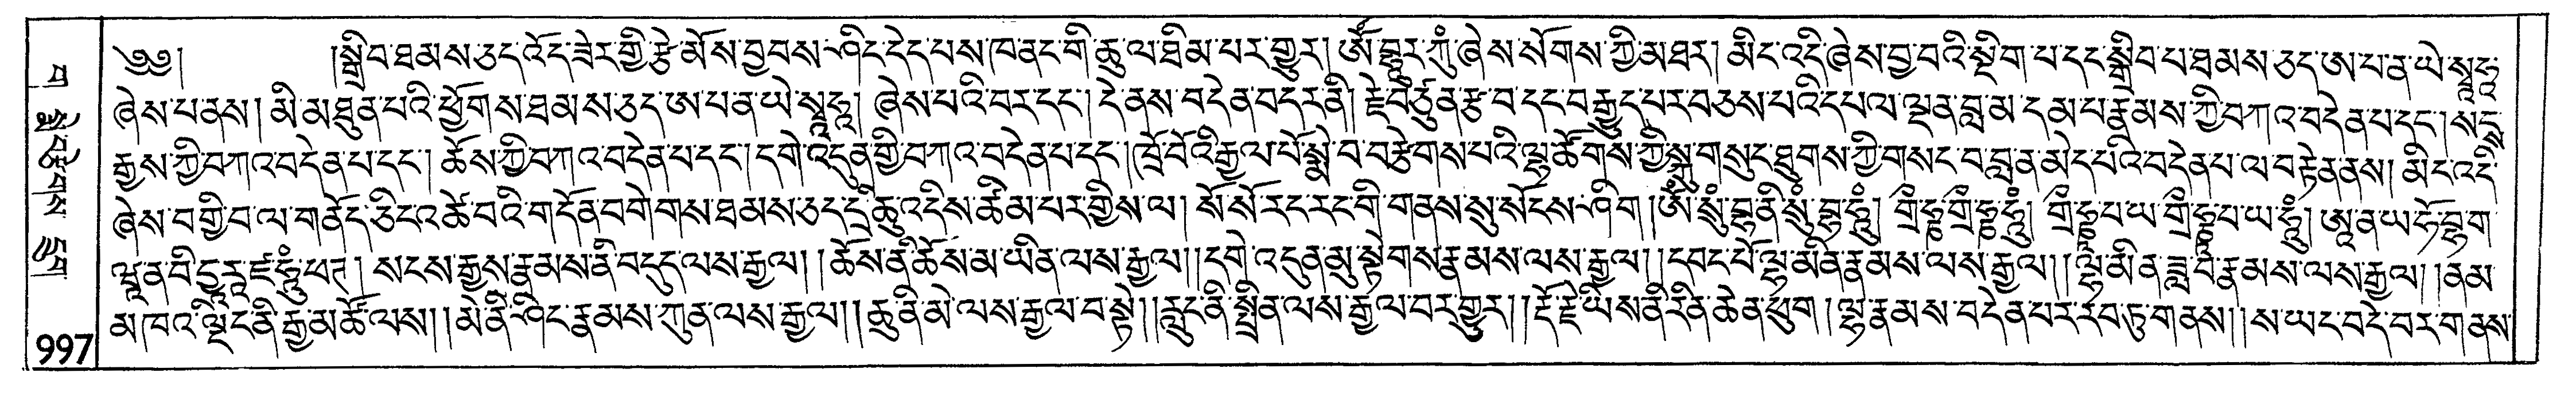༄༅། །སྒྲིབ་ཐམས་ཅད་འོད་ཟེར་གྱི་རྩེ་མོས་བྱབས་ཤིང་དེད་པས་ཁ་ནང་གི་ཆུ་ལ་ཐིམ་པར་གྱུར། ཨོཾ་བྷཱུར་ཀུཾ་ཞེས་སོགས་ཀྱི་མཐར། མིང་འདི་ཞེས་བྱ་བའི་སྡིག་པ་དང་སྒྲིབ་པ་ཐམས་ཅད་ཨ་པ་ན་ཡེ་སྭཱཧཱ་
ཞེས་པ་ནས། མི་མཐུན་པའི་ཕྱོགས་ཐམས་ཅད་ཨ་པ་ན་ཡེ་སྭཱཧཱ། ཞེས་པའི་བར་དང་། དེ་ནས་བདེན་བདར་ནི། རྗེ་བཙུན་རྩ་བ་དང་བརྒྱུད་པར་བཅས་པའི་དཔལ་ལྡན་བླ་མ་དམ་པ་རྣམས་ཀྱི་བཀའ་བདེན་པ་དང་། སངས་
རྒྱས་ཀྱི་བཀའ་བདེན་པ་དང་། ཆོས་ཀྱི་བཀའ་བདེན་པ་དང་། དགེ་འདུན་གྱི་བཀའ་བདེན་པ་དང་། ཁྲོ་བོའི་རྒྱལ་པོ་སྨེ་བ་བརྩེགས་པའི་ལྷ་ཚོགས་ཀྱི་སྐུ་གསུང་ཐུགས་ཀྱི་གསང་བ་བླ་ན་མེད་པའི་བདེན་པ་ལ་བརྟེན་ནས། མིང་འདི་
ཞེས་བགྱི་བ་ལ་གནོད་ཅིང་འཚེ་བའི་གདོན་བགེགས་ཐམས་ཅད་དྲི་ཆུ་འདིས་ཚིམ་པར་གྱིས་ལ། སོ་སོ་རང་རང་གི་གནས་སུ་སོངས་ཤིག །ཨོཾ་སུཾ་བྷ་ནི་སུཾ་བྷ་ཧཱུཾ། གྲྀ་ཧྞ་གྲྀ་ཧྞ་ཧཱུཾ། གྲྀ་ཧྞཱ་པ་ཡ་གྲྀ་ཧྞཱ་པ་ཡ་ཧཱུཾ། ཨཱ་ན་ཡ་ཧོ་བྷ་ག་
ཝཱ་ན་བི་དྱཱ་རྱ་ཛ་ཧཱུཾ་ཕཊ། སངས་རྒྱས་རྣམས་ནི་བདུད་ལས་རྒྱལ། །ཆོས་ནི་ཆོས་མ་ཡིན་ལས་རྒྱལ། །དགེ་འདུན་མུ་སྟེགས་རྣམས་ལས་རྒྱལ། །དབང་པོ་ལྷ་མིན་རྣམས་ལས་རྒྱལ། །ལྷ་མིན་ཟླ་བ་རྣམས་ལས་རྒྱལ། །ནམ་
མཁའ་ལྐིང་ནི་རྒྱ་མཚོ་ལས། །མེ་ནི་ཤིང་རྣམས་ཀུན་ལས་རྒྱལ། །ཆུ་ནི་མེ་ལས་རྒྱལ་བ་སྟེ། །རླུང་ནི་སྤྲིན་ལས་རྒྱལ་བར་གྱུར། །རྡོ་རྗེ་ཡིས་ནི་རིན་ཆེན་ཕུག །ལྷ་རྣམས་བདེན་པར་རབ་ཏུ་གནས། །ས་ཡང་བདེ་བར་གནས་